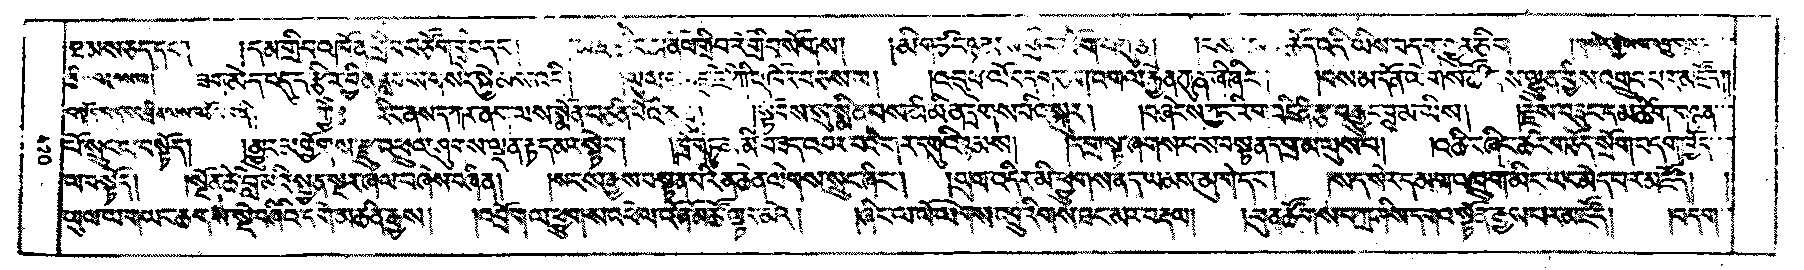ཐམས་ཅད་དང་། །དམ་གྲིབ་འཁོན་གྲིབ་བཙོག་གྲིབ་དང་། །མཛེ་གྲིབ་མནོལ་གྲིབ་རོ་གྲིབ་སོགས། །མི་གཙང་ཉམས་གྲིབ་ཕོག་པ་ཀུན། །བསངས་མཆོད་འདི་ཡིས་བདག་གྱུར་ཅིག །གསེར་སྐྱེམས་འབྲུ་གསུམ་
གྱིས་བརླབས་ལ། ཟག་མེད་བདུད་རྩིར་བྱིན་རླབས་གསེར་སྐྱེམས་འདི། །ཡུལ་ལྷ་བཛྲ་ཛ་ཀི་འཁོར་བཅས་ལ། །འབུལ་ལོ་བདག་ཅག་འགལ་རྐྱེན་ཀུན་ཞི་ཞིང་། །བསམ་དོན་ལེགས་ཚོགས་ལྷུན་གྱིས་འགྲུབ་པར་མཛོད། །
བསྟོད་པ་དང་འཕྲིན་ལས་བཅོལ་བ་ནི།  ཀྱཻཿ རིང་ནས་དཀར་ནག་ལས་སྨོན་བཙན་པོའི་མཐུ། །སྟོབས་སུ་སྨིན་པས་མི་མིན་དྲེགས་པའི་སྐུར། །བཞེངས་ཀྱང་རིག་འཛིན་རྩ་བརྒྱུད་བླ་མ་ཡིས། །རྗེས་བཟུང་དམ་ཚིག་གཉན་
པོ་སྲུང་ལ་བསྟོད། །མྱུར་མགྱོགས་རྫུ་འཕྲུལ་ཤུགས་ལྡན་རྟ་དམར་སྟེང་། །ཁྲོ་གཏུམ་མི་བཟད་འབར་བའི་གར་དགུའི་ཉམས། །དགྲ་སྟ་ཞགས་པས་བསྟན་དགྲ་མ་ལུས་པ། །འཆིང་ཞིང་ཚར་གཅོད་སྲོག་བདག་ཁྱོད་
ལ་བསྟོད། །སྔོན་ཚེ་བླ་མའི་སྤྱན་སྔར་ཞལ་བཞེས་བཞིན། །སངས་རྒྱས་བསྟན་པ་རིན་ཆེན་ལེགས་སྲུང་ཞིང་། །ཡུལ་འདིར་མི་ཕྱུགས་ནད་ཡམས་མུ་གེ་དང་། །སད་སེར་དམག་འཁྲུག་མིང་ཡང་མེད་པར་མཛོད། །
ཡུལ་ལ་གཡང་ཆགས་སྡེ་བཞིའི་དགེ་མཚན་རྒྱས། །འབྲོག་ལ་ཕྱུགས་འཕེལ་འོ་ཞོ་མཚོ་ལྟར་མེར། །ཞིང་ལ་ལོ་ལེགས་འབྲུ་རིགས་ཐང་མར་བརྡལ། །ཕུན་ཚོགས་བཀྲ་ཤིས་དགའ་སྟོན་རྒྱས་པར་མཛོད། །བདག་